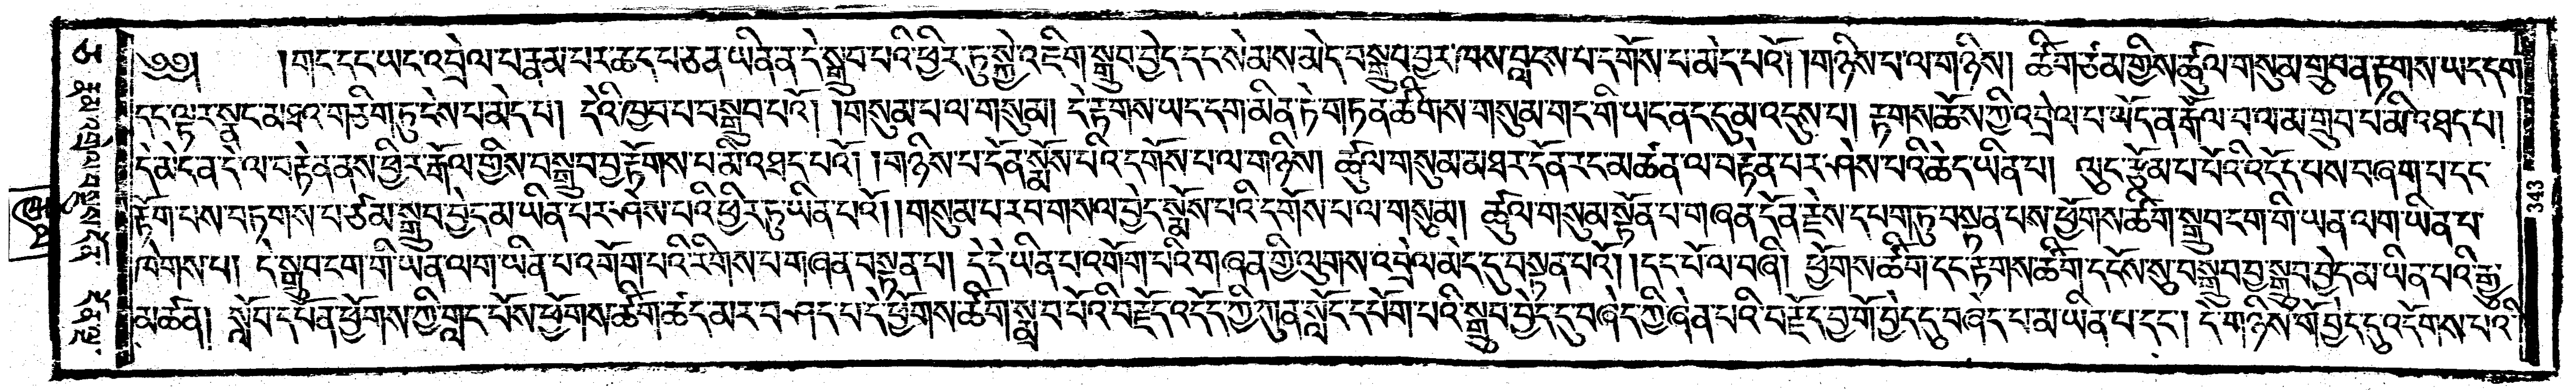༄༅། །གང་དང་ཡང་འབྲེལ་པ་རྣམ་པར་ཆད་པ་ཅན་ཡིན་ན་དེ་སྒྲུབ་པའི་ཕྱིར་ཏུ་སྐྱེ་འཇིག་སྒྲུབ་བྱེད་དང་སེམས་མེད་བསྒྲུབ་བྱར་ཁས་བླངས་པ་དགོས་པ་མེད་པའོ། །གཉིས་པ་ལ་གཉིས། ཚིག་ཙམ་གྱིས་ཚུལ་གསུམ་གྲུབ་ན་རྟགས་ཡང་དག་
དང་ལྟར་སྣང་མཐའ་གཅིག་ཏུ་ངེས་པ་མེད་པ། དེའི་ཁྱབ་པ་བསྒྲུབ་པའོ། །གསུམ་པ་ལ་གསུམ། དེ་རྟགས་ཡང་དག་མིན་ཏེ་གཏན་ཚིགས་གསུམ་གང་གི་ཡང་ནང་དུ་མ་འདུས་པ། རྟགས་ཆོས་ཀྱི་འབྲེལ་པ་ཡོད་ན་རྒོལ་བ་ལ་མ་གྲུབ་པ་མི་འཐད་པ།
དེ་མེད་ན་དེ་ལ་བརྟེན་ནས་ཕྱིར་རྒོལ་གྱིས་བསྒྲུབ་བྱ་རྟོགས་པ་མི་འཐད་པའོ། །གཉིས་པ་དོན་སྨོས་པའི་དགོས་པ་ལ་གཉིས། ཚུལ་གསུམ་མཐར་དོན་རང་མཚན་ལ་བརྟེན་པར་ཤེས་པའི་ཆེད་ཡིན་པ། ལུང་རྩོམ་པ་པོའི་འདོད་པས་བཞག་པ་དང་
རྟོག་པས་བཏགས་པ་ཙམ་སྒྲུབ་བྱེད་མ་ཡིན་པར་ཤེས་པའི་ཕྱིར་ཏུ་ཡིན་པའོ། །གསུམ་པ་རབ་གསལ་བྱེད་སྨོས་པའི་དགོས་པ་ལ་གསུམ། ཚུལ་གསུམ་སྟོན་པ་གཞན་དོན་རྗེས་དཔག་ཏུ་བསྟན་པས་ཕྱོགས་ཚིག་སྒྲུབ་ངག་གི་ཡན་ལག་ཡིན་པ་
ཁེགས་པ། དེ་སྒྲུབ་ངག་གི་ཡན་ལག་ཡིན་པ་འགོག་པའི་རིགས་པ་གཞན་བསྟན་པ། དེ་དེ་ཡིན་པ་འགོག་པའི་གཞན་གྱི་ལུགས་འབྲེལ་མེད་དུ་བསྟན་པའོ། །དང་པོ་ལ་བཞི། ཕྱོགས་ཚིག་དང་རྟགས་ཚིག་དངོས་སུ་བསྒྲུབ་བྱ་སྒྲུབ་བྱེད་མ་ཡིན་པའི་རྒྱུ་
མཚན། སློབ་དཔོན་ཕྱོགས་ཀྱི་གླང་པོས་ཕྱོགས་ཚིག་ཚད་མར་བཤད་པ་དེ་ཕྱོགས་ཚིག་སྨྲ་བ་པོའི་བརྗོད་འདོད་ཀྱི་ཀུན་སློང་དཔོག་པའི་སྒྲུབ་བྱེད་དུ་བཞེད་ཀྱི་ཞེན་པའི་བརྗོད་བྱ་གོ་བྱེད་དུ་བཞེད་པ་མ་ཡིན་པ་དང་། དེ་གཉིས་གོ་བྱེད་དུ་འདོགས་པའི་